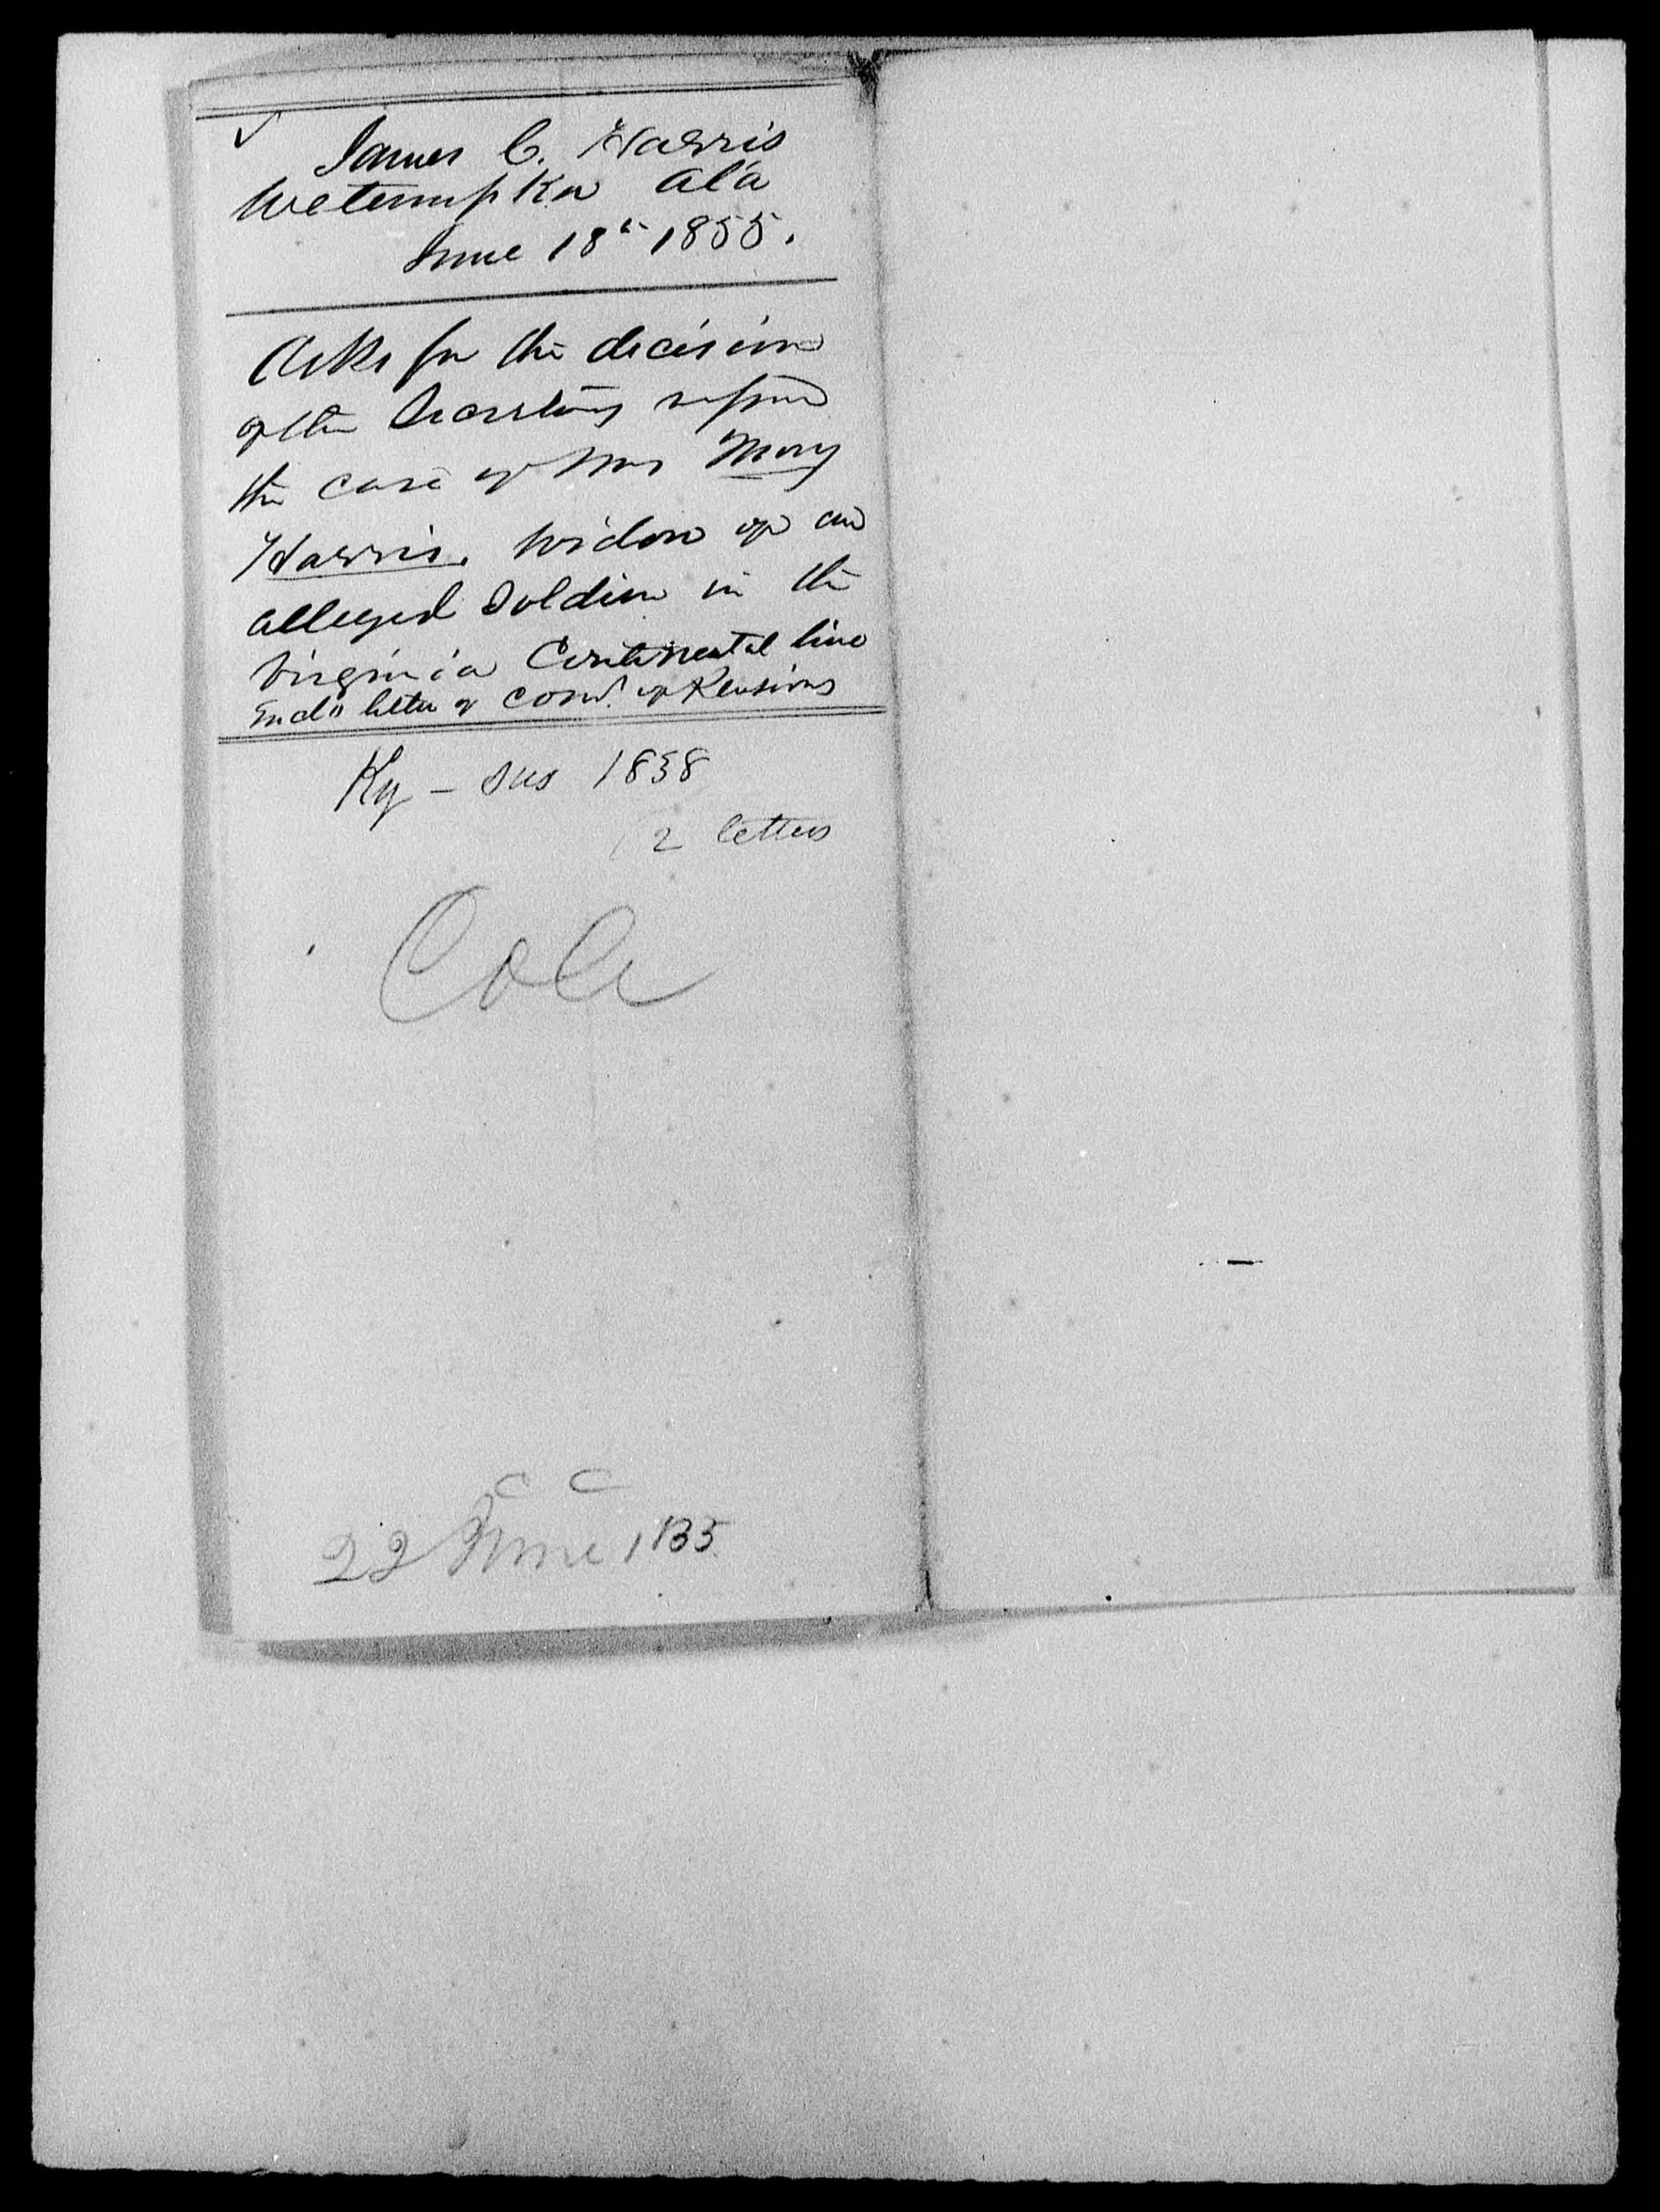James C. Harris
Wetumpka Ala
June 18th 1855

Asks for the decision of the Secretary upon the case of Mrs Mary Harris widow of an alleged soldier in the Virginia Continental line 
encl letter of Coms of Pensions

Ky - sus 1838
2 letters

Cole


c c
22 June / 55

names: Cole, Mary Harris, James C Harris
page: 81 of 160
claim: rejected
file: R. 4666, James Harris, Va.